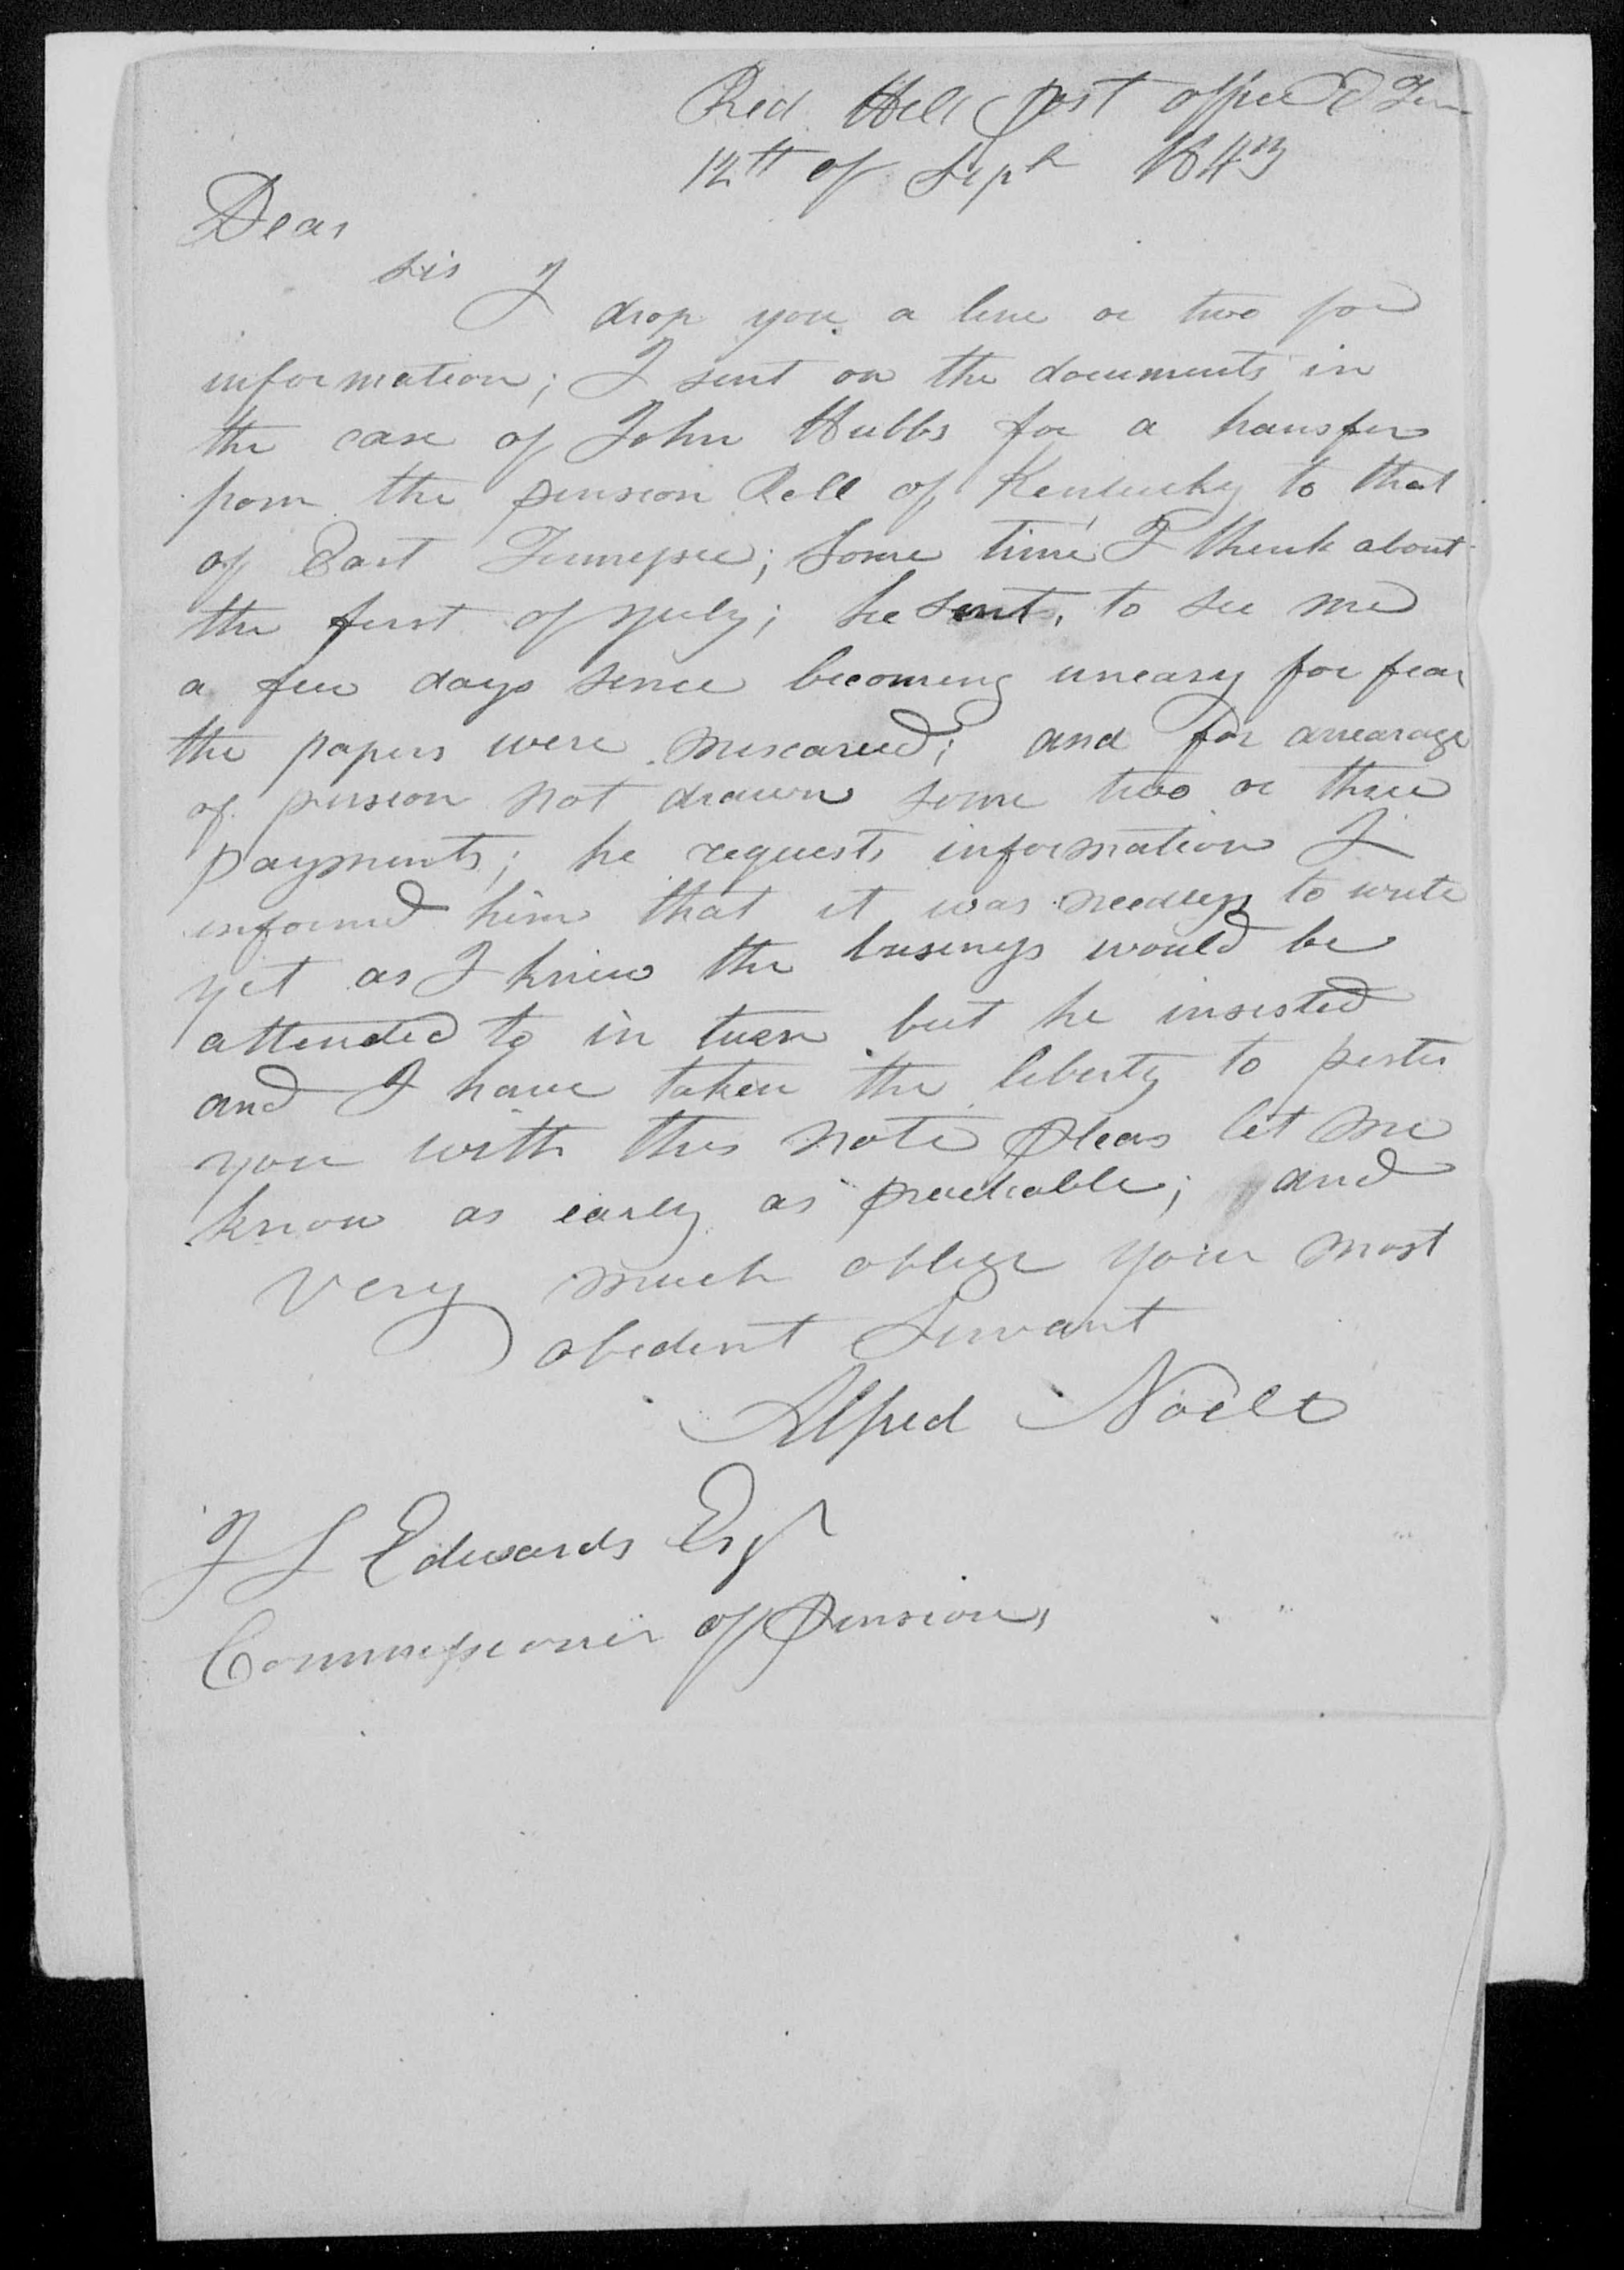Red Hill post office
12th of Sept 1843
Dear Sir
I drop you a line or two for information; I sent on the documents in the case of John Hubbs for a transfer from the pension Roll of Kentucky to that of East Tennessee; Some time I think about
the first of July; he sent to see me a few days since becoming uneasy for fear the papers were miscarried; and for arrearage of pension not drawn some two or three payments; he requests information I informed him that it was needless to write yet as I knew the business would be
attended to in turn but he insisted and I have taken the liberty to pester you with this note pleas let one know as early as practiable; and
Very much oblige your most
obedient Servant
Alfred Noell

J.L. Edwards Esq
Commissioner of Pensions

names: Alfred Noell, J L Edwards, John Hubbs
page: 47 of 86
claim: widow's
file: W. 1035, John Hubbs, S.C.